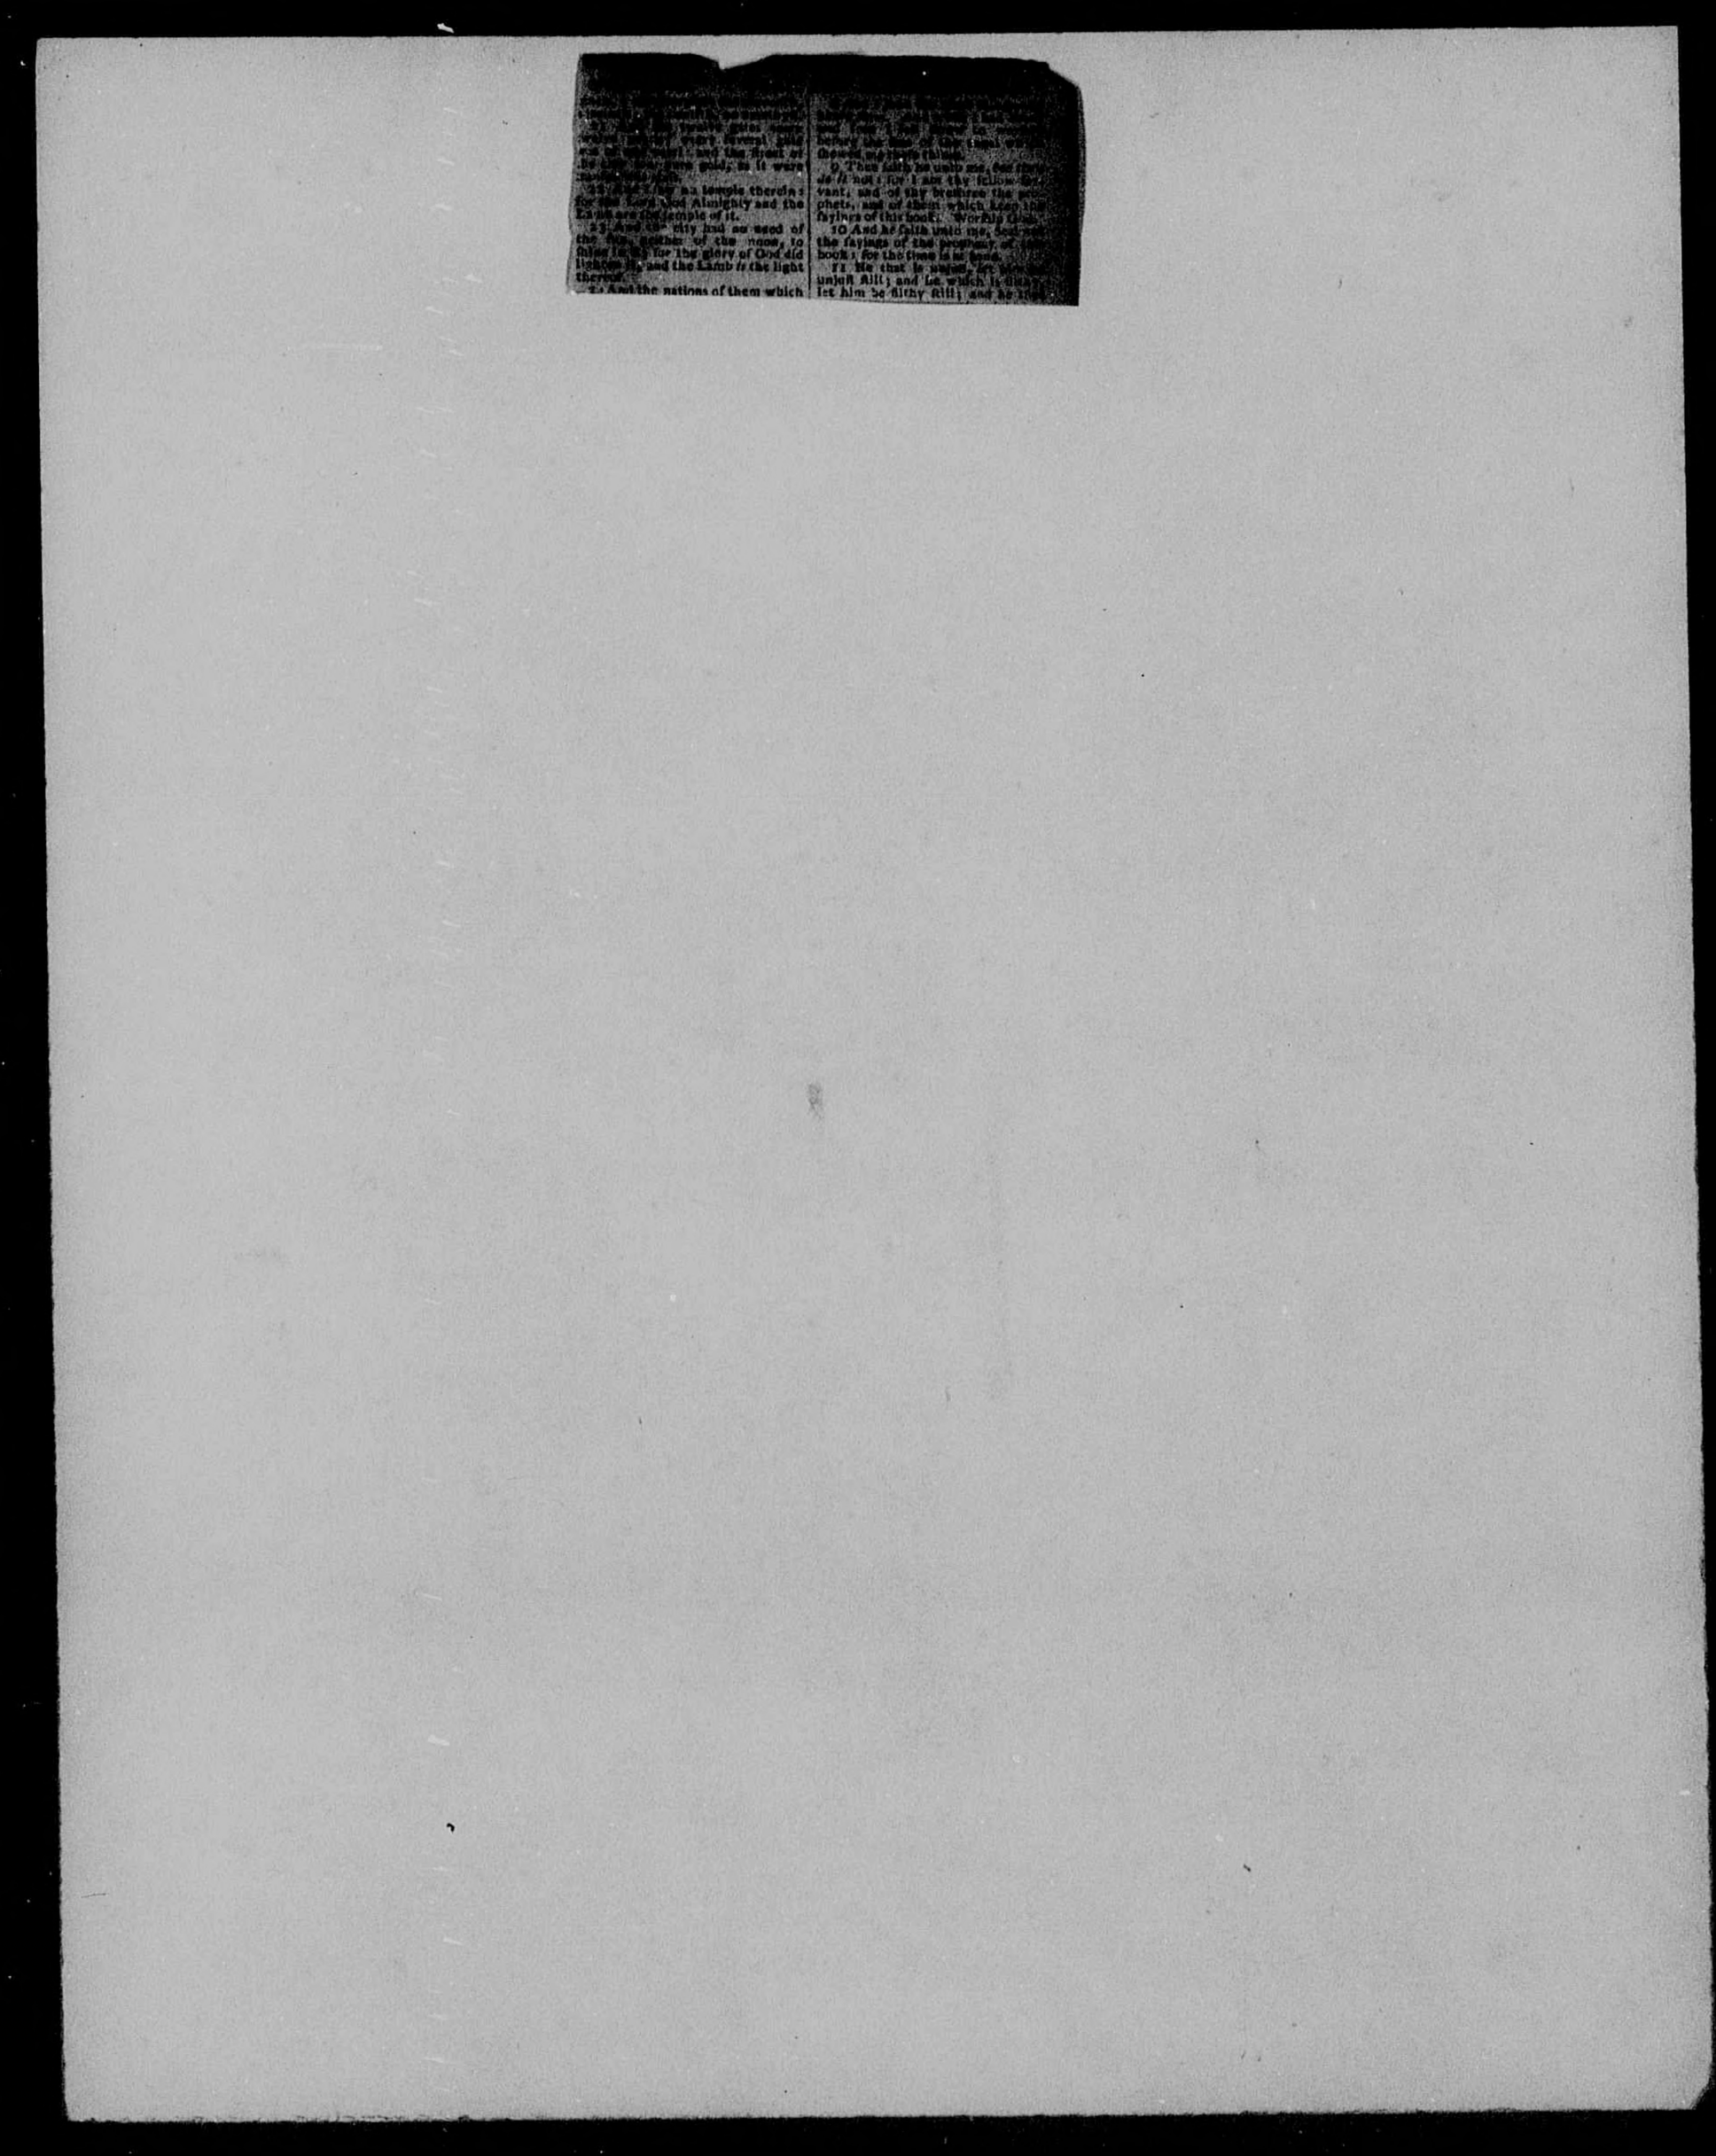Illegible
[It looks like it may be an obituary--"the glory of God did lighten? and the Lamb is the light thereof."]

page: 7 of 92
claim: widow's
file: W 1173, Robert Hamill, Penn.